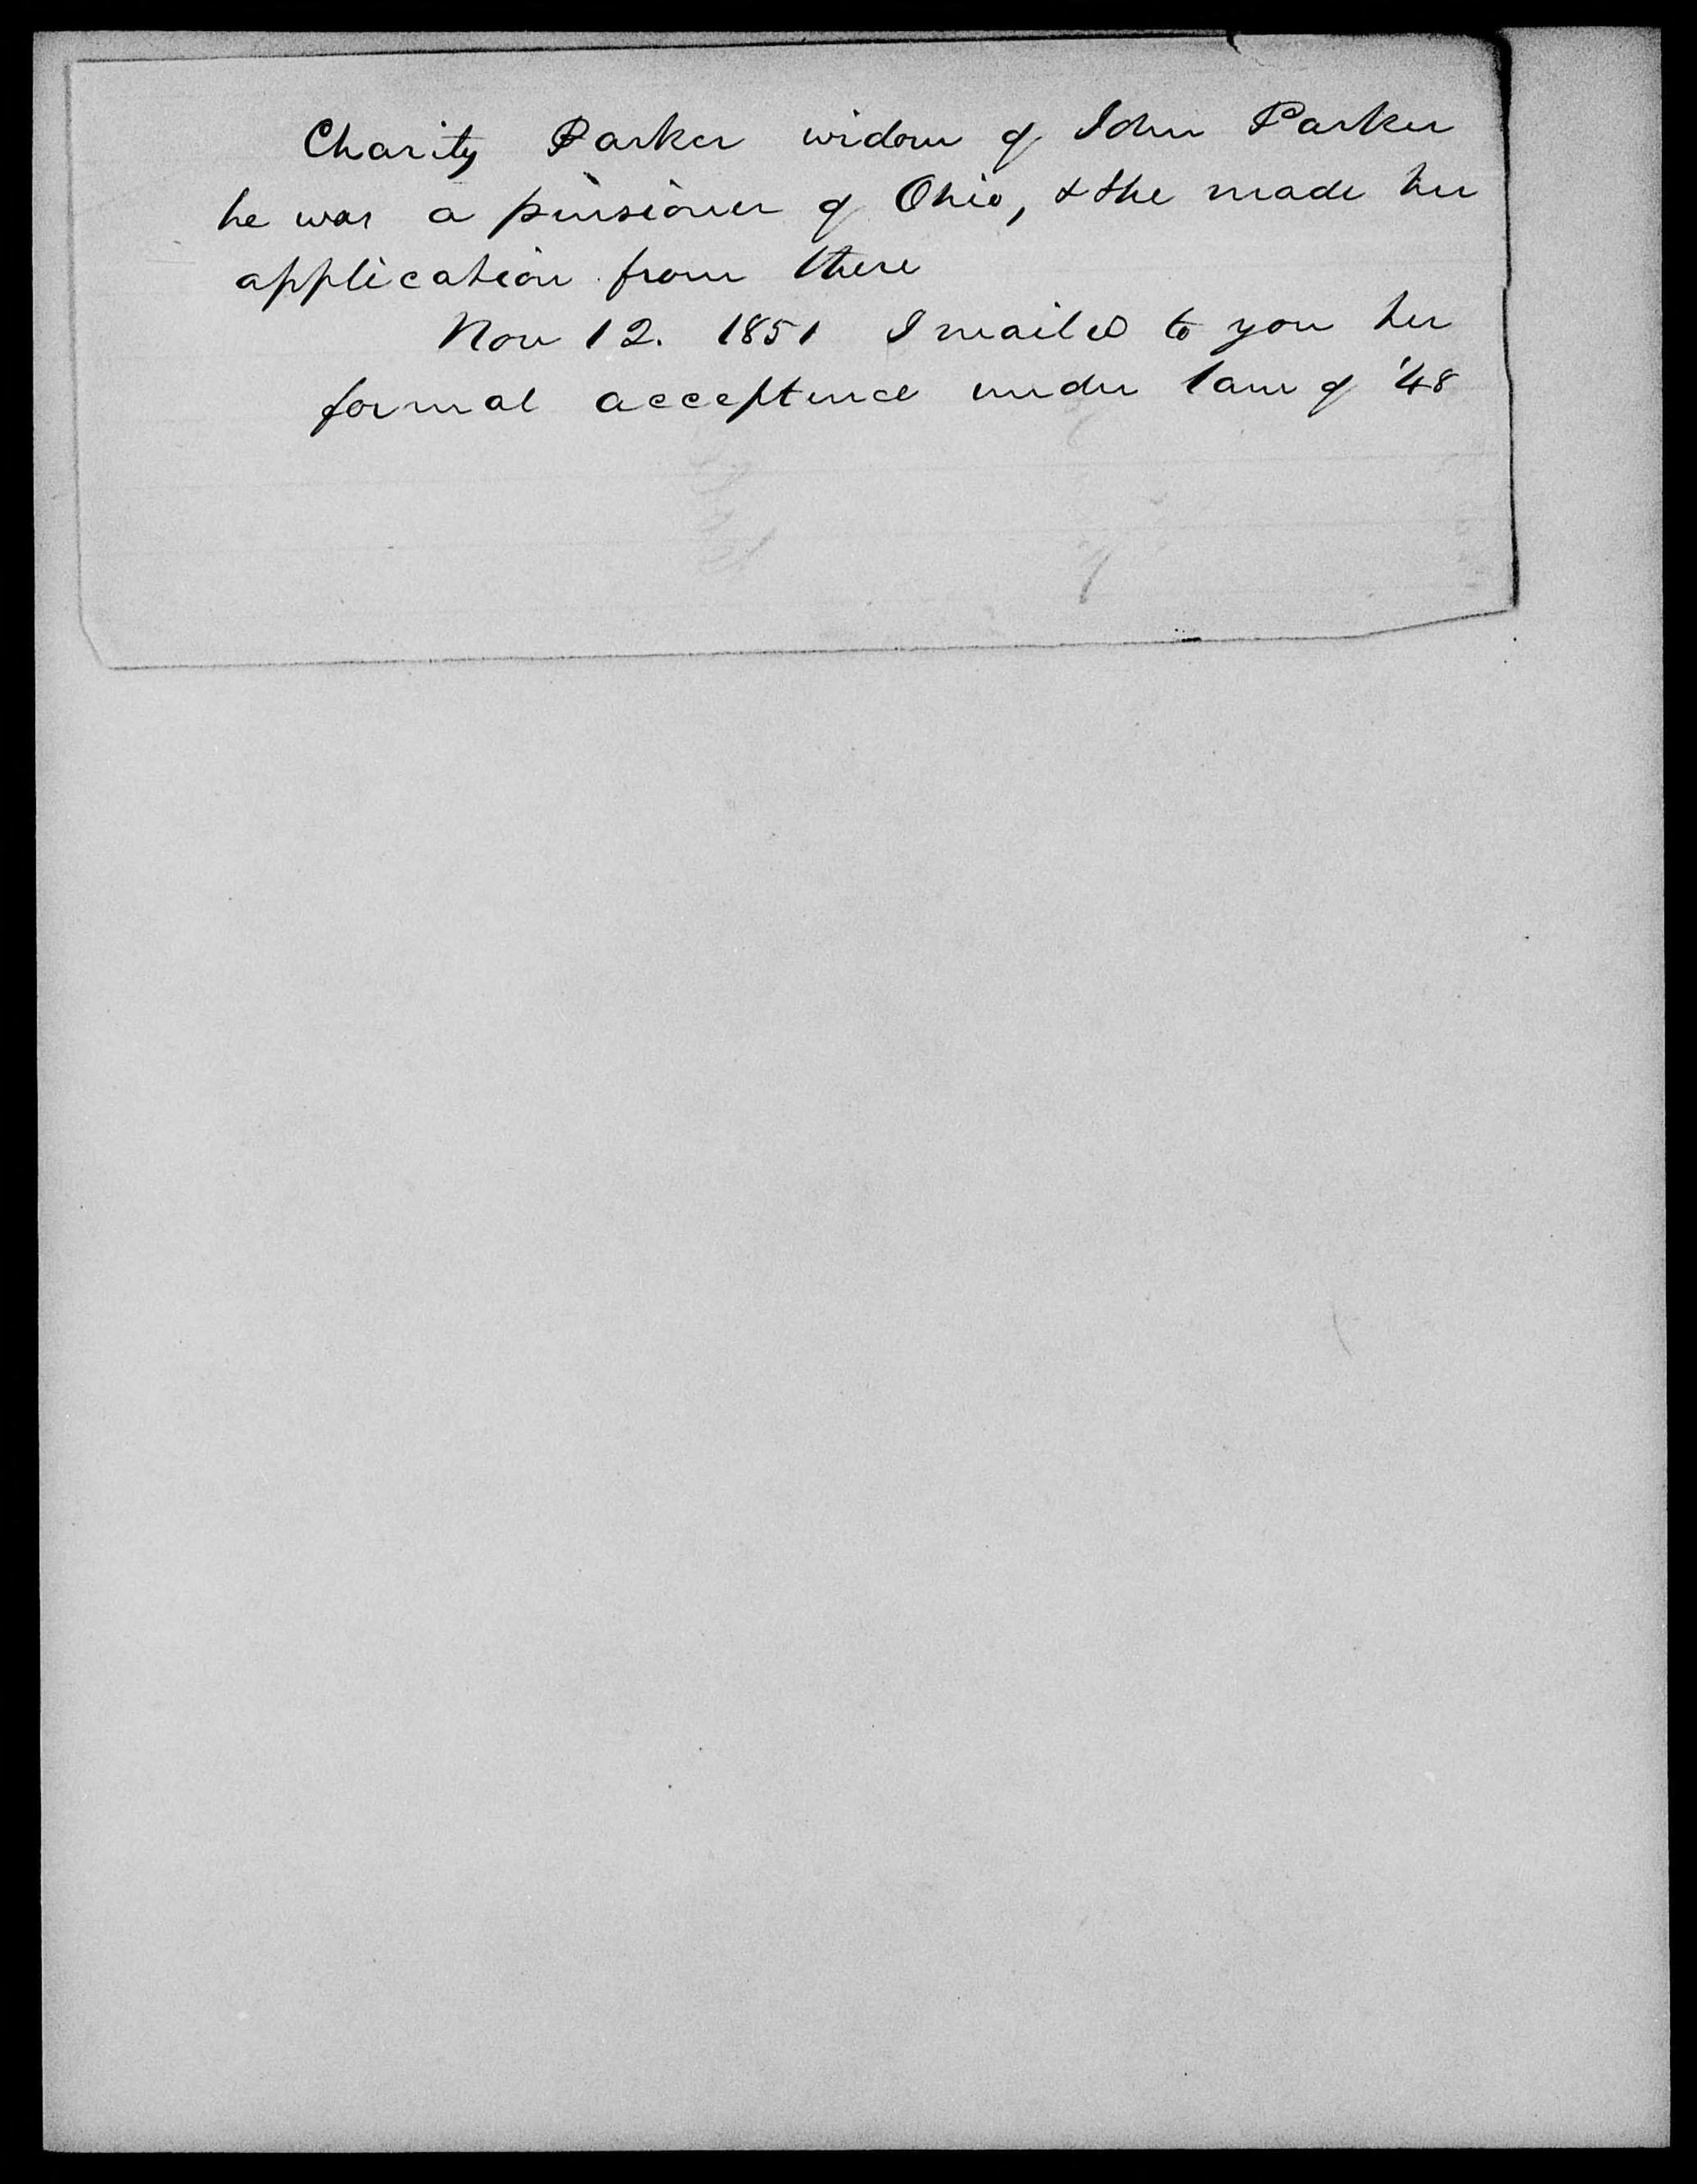Charity Parker widow of John Parker he was a pensioner of Ohio, & she made her application from there.
Nov 12, 1851 I mailed to you her formal acceptance under law of '48.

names: John Parker; Charity Parker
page: 20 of 40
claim: widow's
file: W. 3,588, for John Parker, Pennsylvania